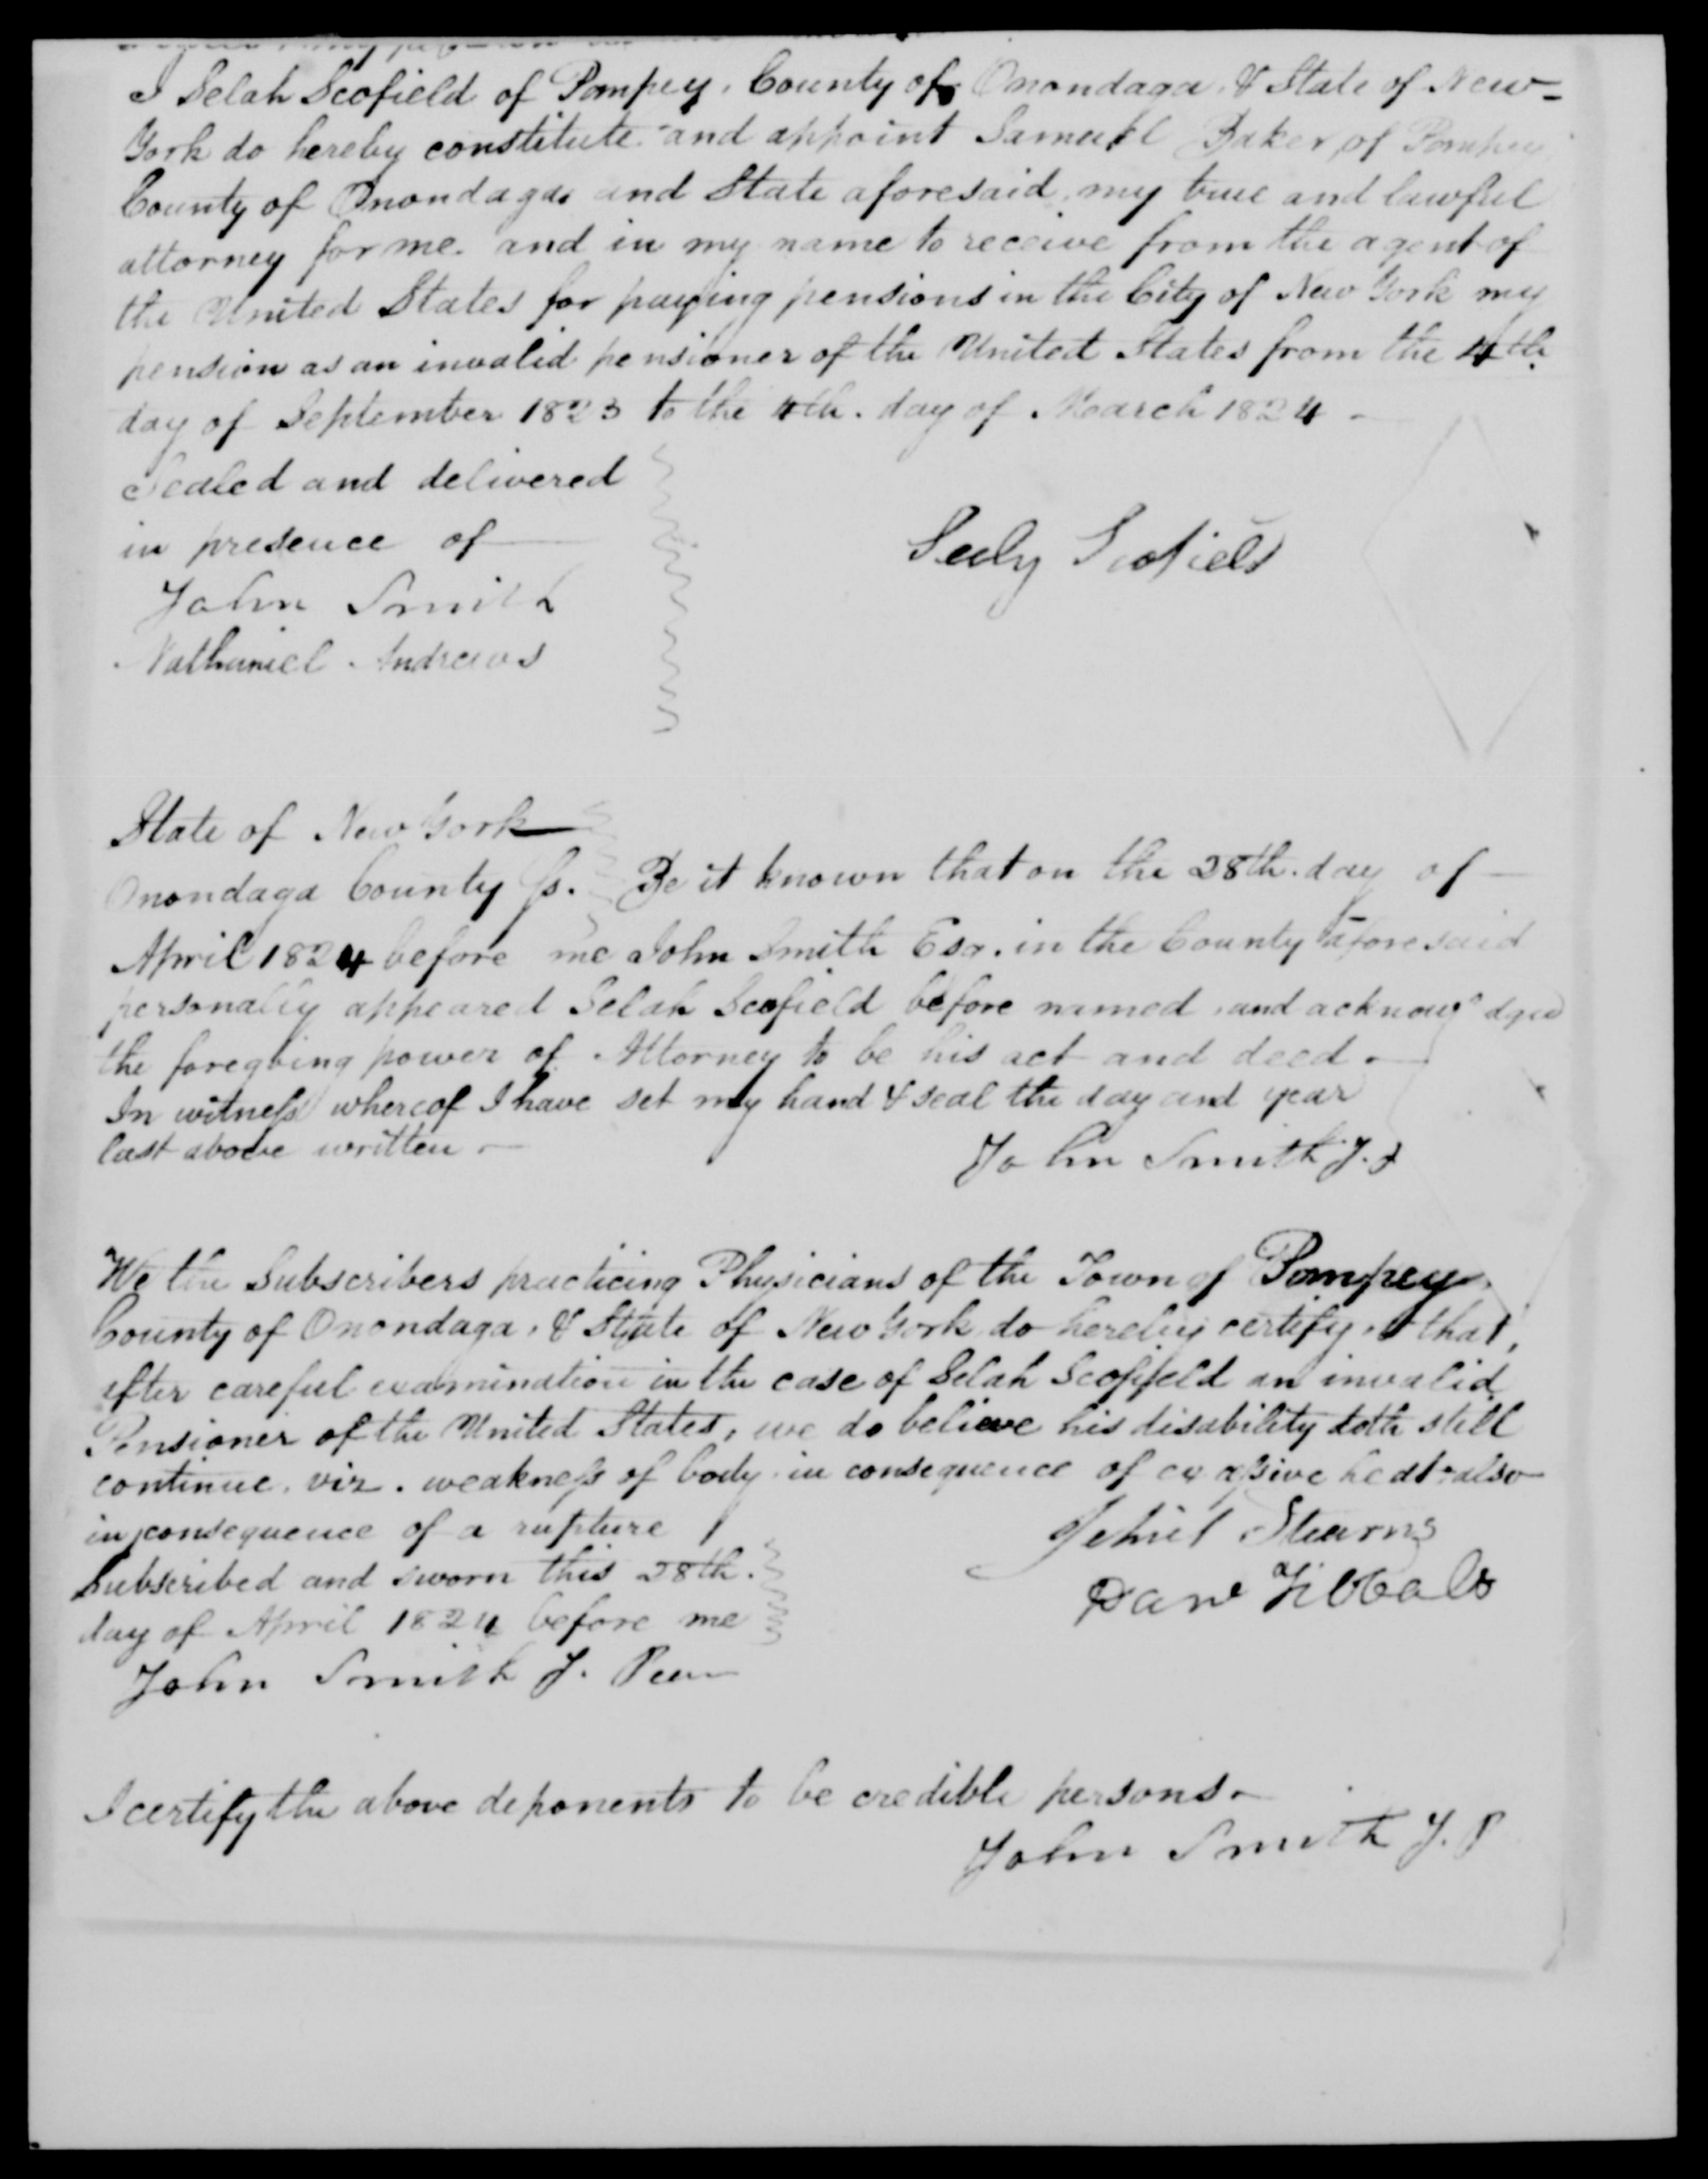I Selah Scofield of Pompey, County of Onondaga & State of New York do hereby constitute and appoint Samuel Baker of Pompey County of Onondaga and State aforesaid my true and lawful attorney for me and in my name to receive from the agent of the United States for paying pensions in the City of New York my pension as an invalid pensioner of the United States from the 4th day of September 1823 to the 4th day of March 1824.    
Seely Scofield
Sealed and delivered in presence of John Smith 
Nathaniel Andrews 
State of New York 
Onondaga County ss.}  Be it known that on the 28th day of April 1824 before me John Smith Esq. in the County aforesaid personally appeared Selah Scofield before named, and acknowledged the foregoing power of Attorney to be his act and deed. 
In witness whereof I have set my hand & seal the day and year last above written  
John Smith J. Peace  
We the Subscribers practicing Physicians of the Town of Pompey County of Onondaga, & State of New York do hereby certify that after careful examination in the case of Selah Scofield an invalid Pensioner of the United States, we do believe his disability doth still continue, viz. weakness of body in consequence of excessive [unreadable] and also in consequence of a rupture.  
Jehiel Stearns
Dan’l Hibbals
Subscribed and sworn this 28th day of April 1824 before me 
John Smith J. Peace 
I certify the above deponents to be credible persons.  John Smith J. P.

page: 9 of 36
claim: survivor's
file: S. 10,004, for Seely Scofield, Connecticut